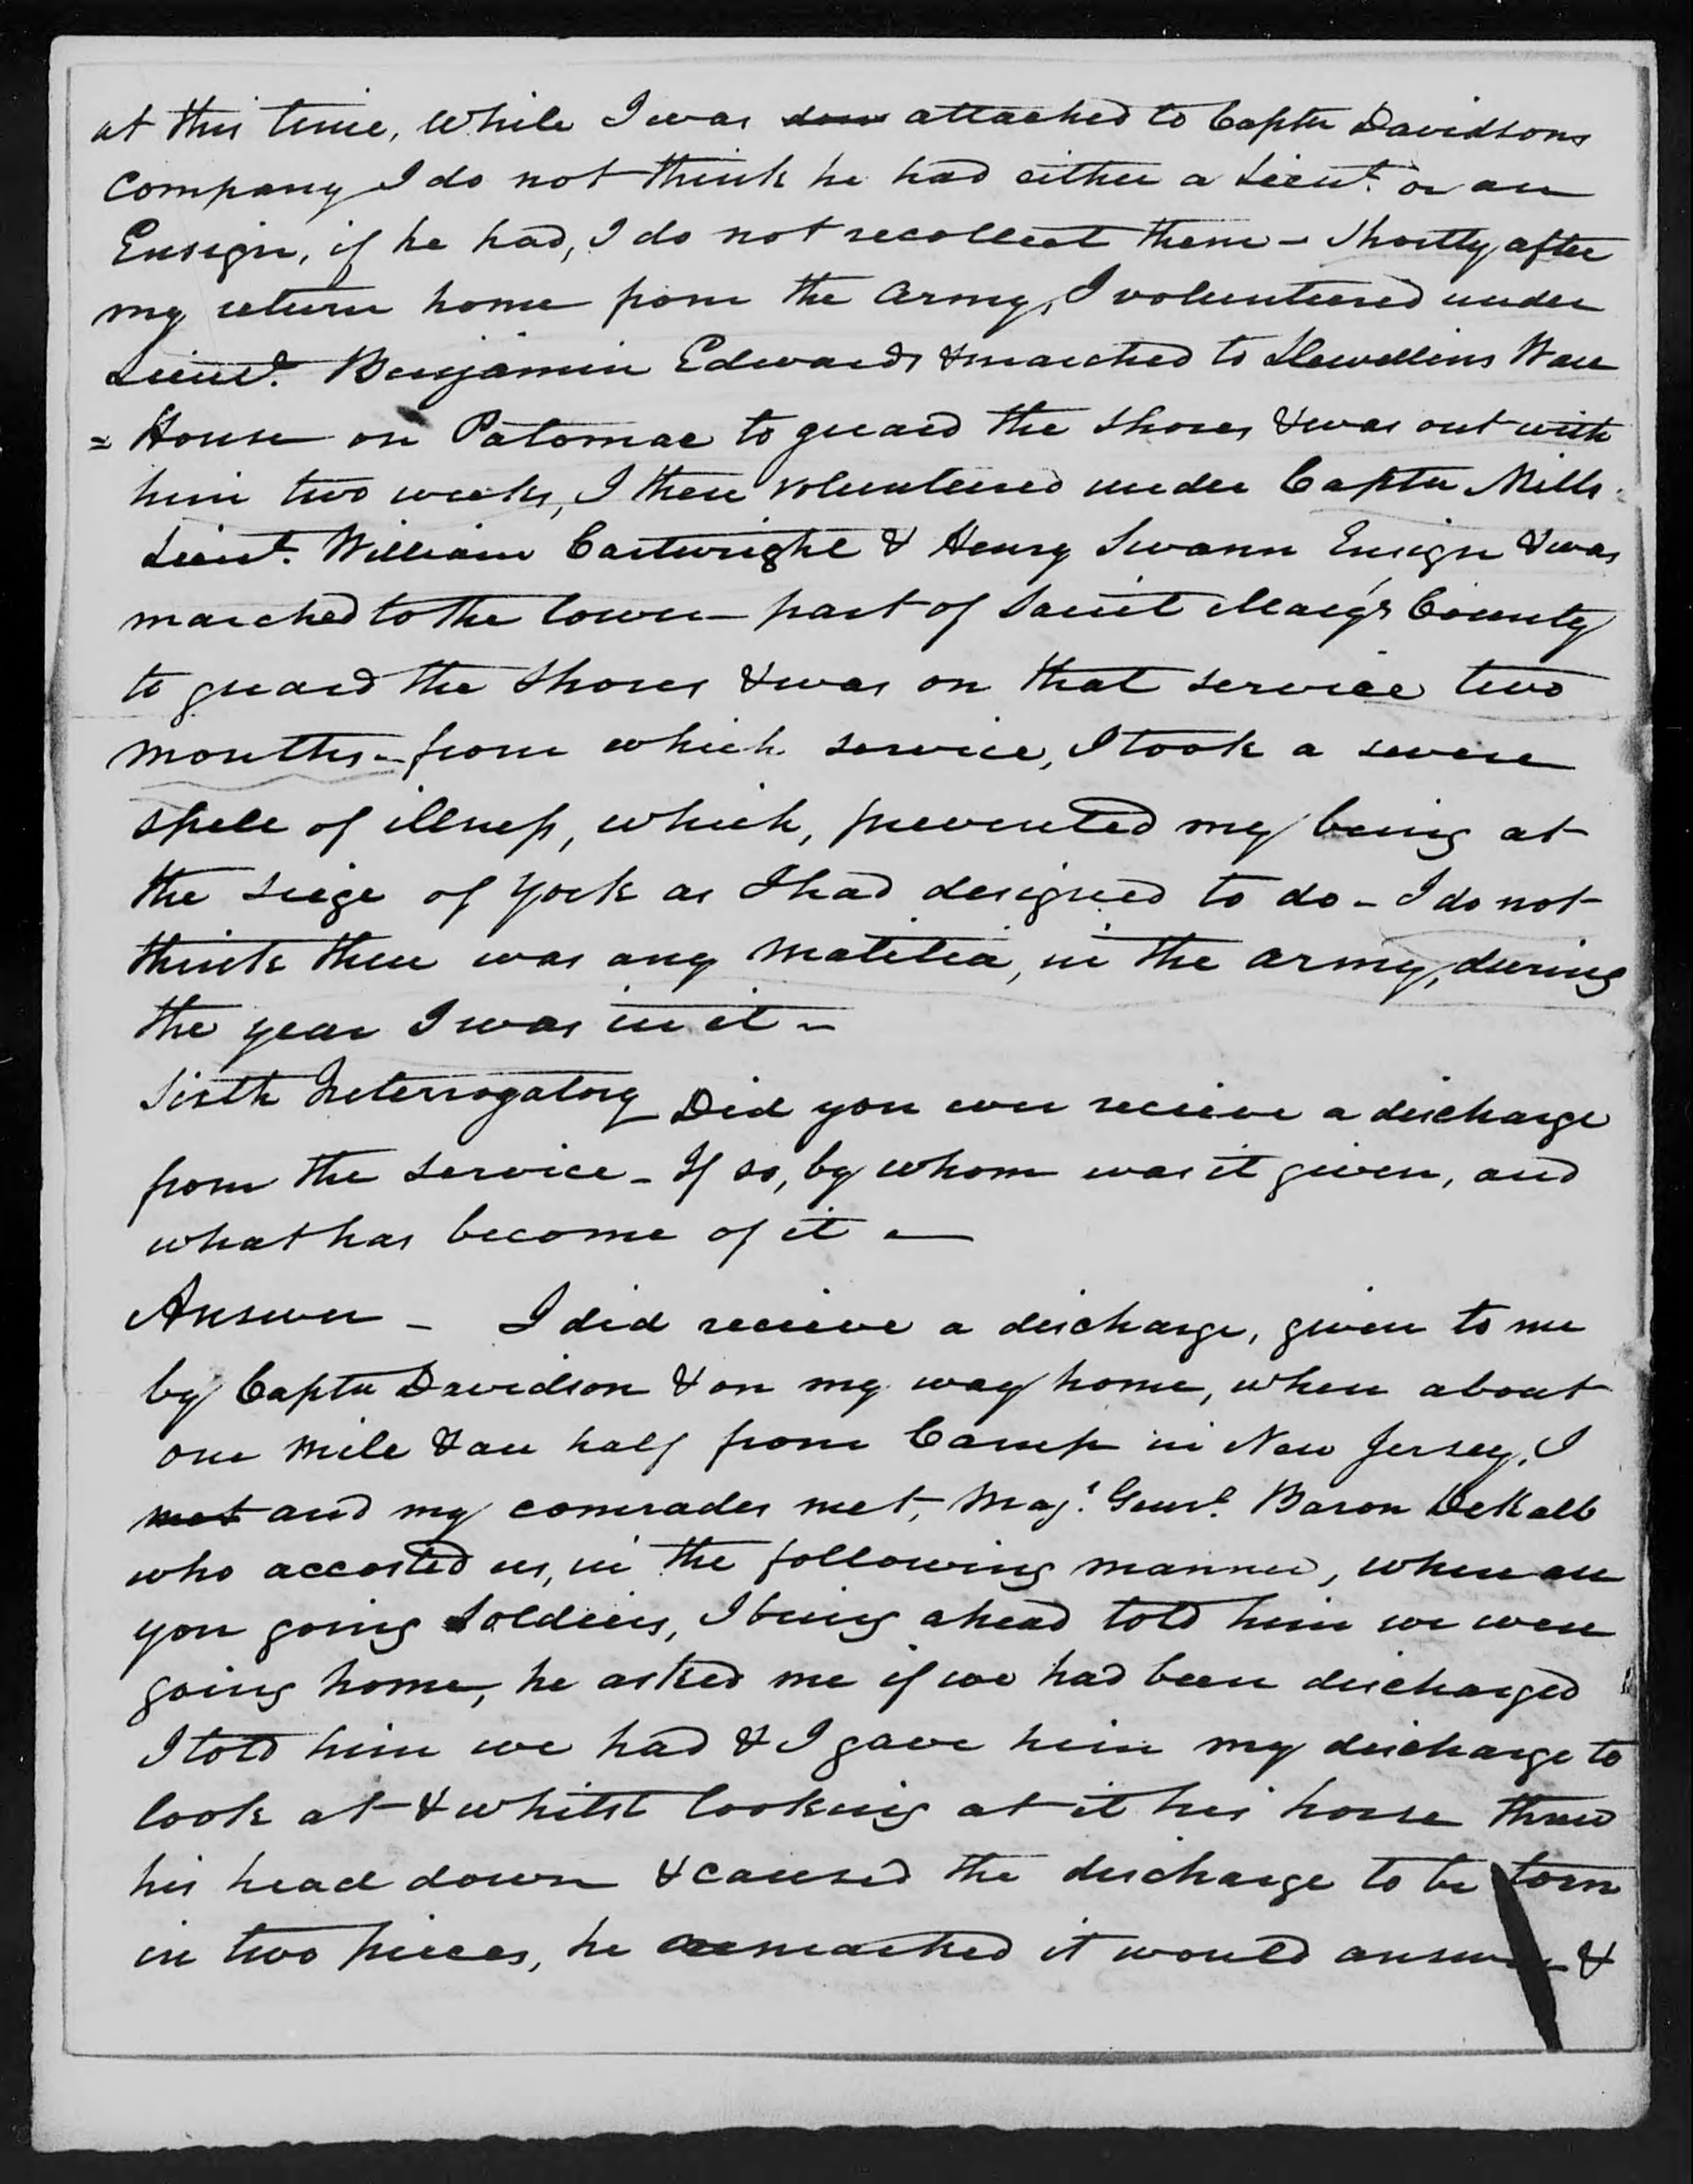at this time, while I was [crossed out] attached to Captain Davidsons
company  I do not think he has had either a Lieut. [Lieutenant] or an
Ensign, if he had, I do not recollect them-  shortly after
my return home from the army, I volunteered under
Lieut, [Lieutenant] Benjamin Edward attached to Davidsons [ILLEGIBLE]
house on Potomac to guard the shores & was out with
him two weeks, I there volunteered under Captain Mills
Lieut. [Lieutenant] William Cartwright & Henry Swann Ensign & was
marched to the lower part of Saint Mary's County
to guard the shores & was on that service two
months - from which service, I took a leave 
spell of illness, which, prevented my being at
the siege of York as I had [ILLEGIBLE] to do - I do not
think there was any militia, in the army, during
the year I was [ILLEGIBLE].

Sixth Interrogatory  Did you ever receive a discharge
from the service. If so, by whom was it given, and
what has become of it-
Answer -  I did recieve a discharge, given to me
by Captn [Captain] Davidson & on my way home, where about
one mile & on half from Camp in New Jersey. I
[crossed out] and my comrades met, Maj. Genrl [Major General] Baron DeKalb
who accepted us in the following manner, Where are
you going soldiers, I being ahead told him we were
going home, he asked me if we had been discharged
I told him we had & I gave him my discharge to
look at & whilst looking at it his horse threw
his head down & caused the discharge to be torn
in two pieces, he reached it would answer &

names: Davidson, William Cartwright, Baron Dekalb, Benjamin Edwards, Henry Swann, Mills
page: 10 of 49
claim: survivor's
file: S. 12755, George Dent, Md.